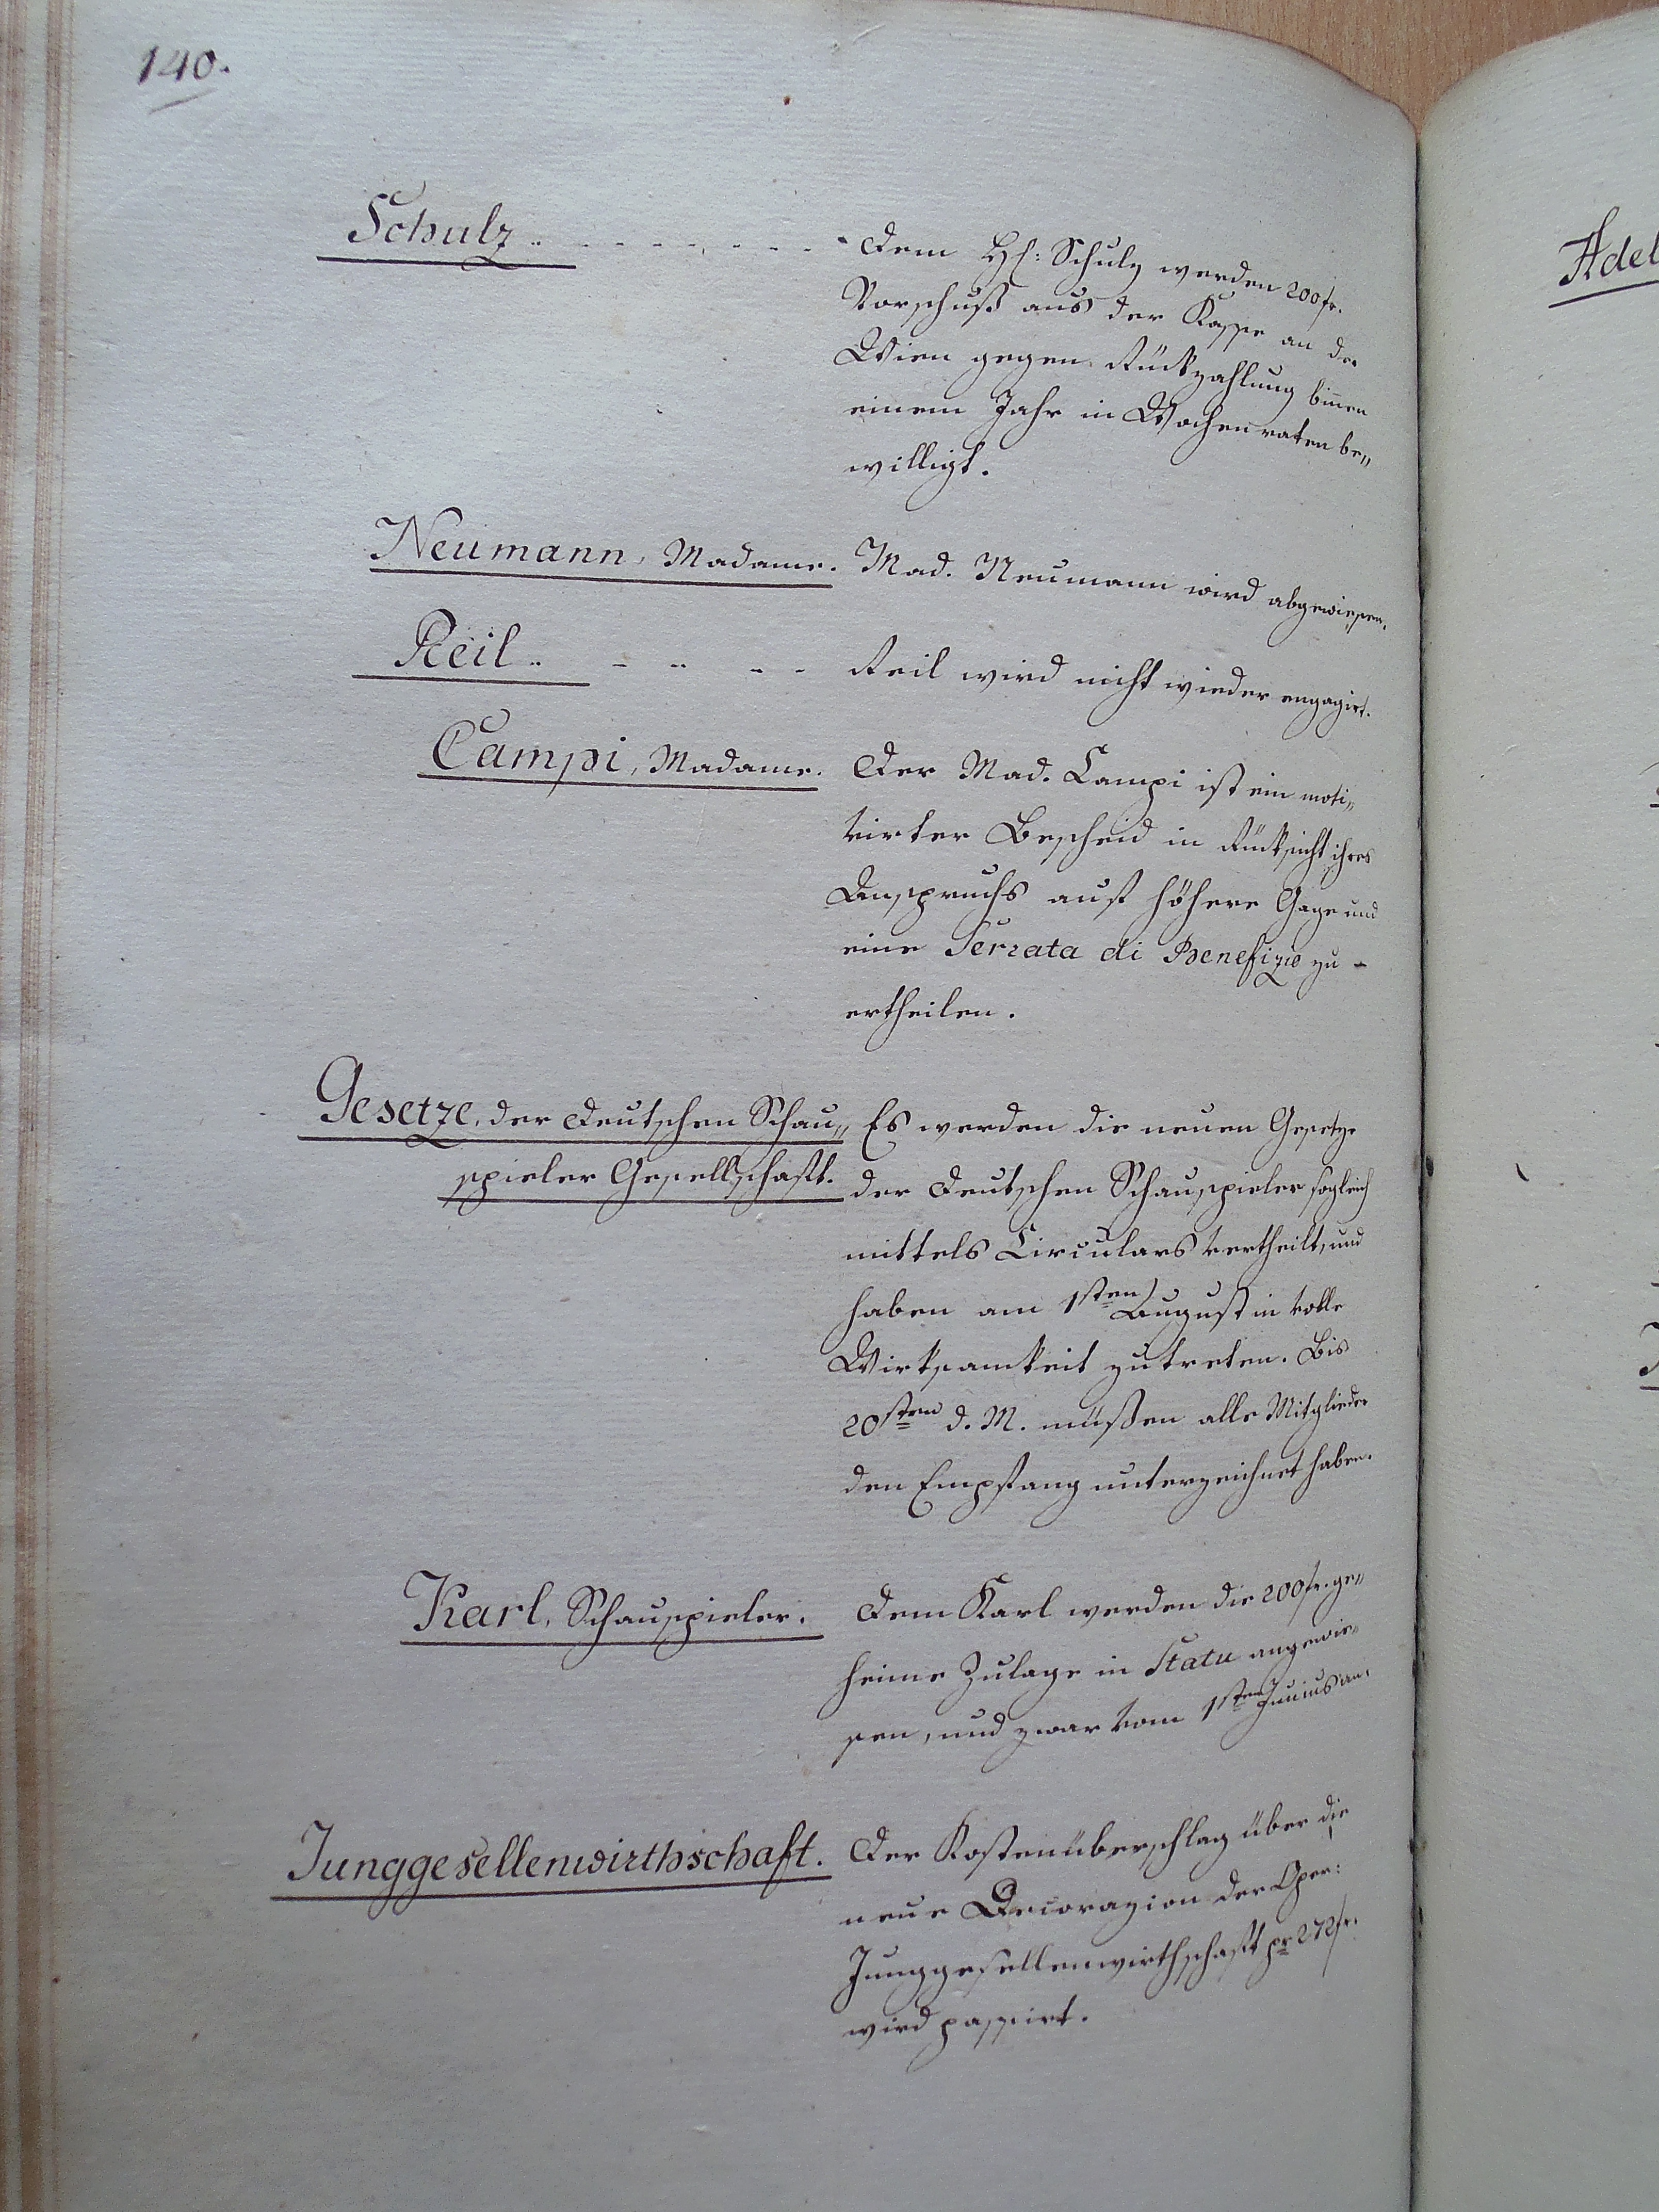140.
Schulz .. .. .. .. .. .. .. .. Dem HE: Schulz werden 200fr.
Vorschuß aus der Kasse an der
Wien gegen Rückzahlung bin̅en
einem Jahr in Wochenraten be¬
willigt.
Neumann, Madame. Mad. Neumann wird abgewiesen.
Reil .. .. .. .. .. Reil wird nicht wieder engagirt.
Campi, Madame. Der Mad. Campi ist ein moti¬
virter Bescheid m Rüksicht ihres
Anspruchs auf höhere Gage und
eine Serrata di Benefizie zu -
ertheilen.
Gesetze, der Deutschen Schau¬
spieler Gesellschaft.
Es werden die neuen Gesetze
der Deutschen Schauspieler sogleich
mittels Circulars vertheilt und
haben am 1ste͇n August in volle
Wirksamkeit zutreten. Bis
20ste͇n d.M. müßen alle Mitglieder
den Empfang unterzeichnet haben.
Karl, Schauspieler. Dem Karl werden die 20fr. ge¬
heime Zulage in Statu angewie
sen, und zwar vom 1ste͇n Junius an.
Junggesellenwirthschaft. Der Kostenüberschlag über die
neue Decorazion der Oper:
Junggesellenwirthschaft pr͇ 272fr.
wird passirt.